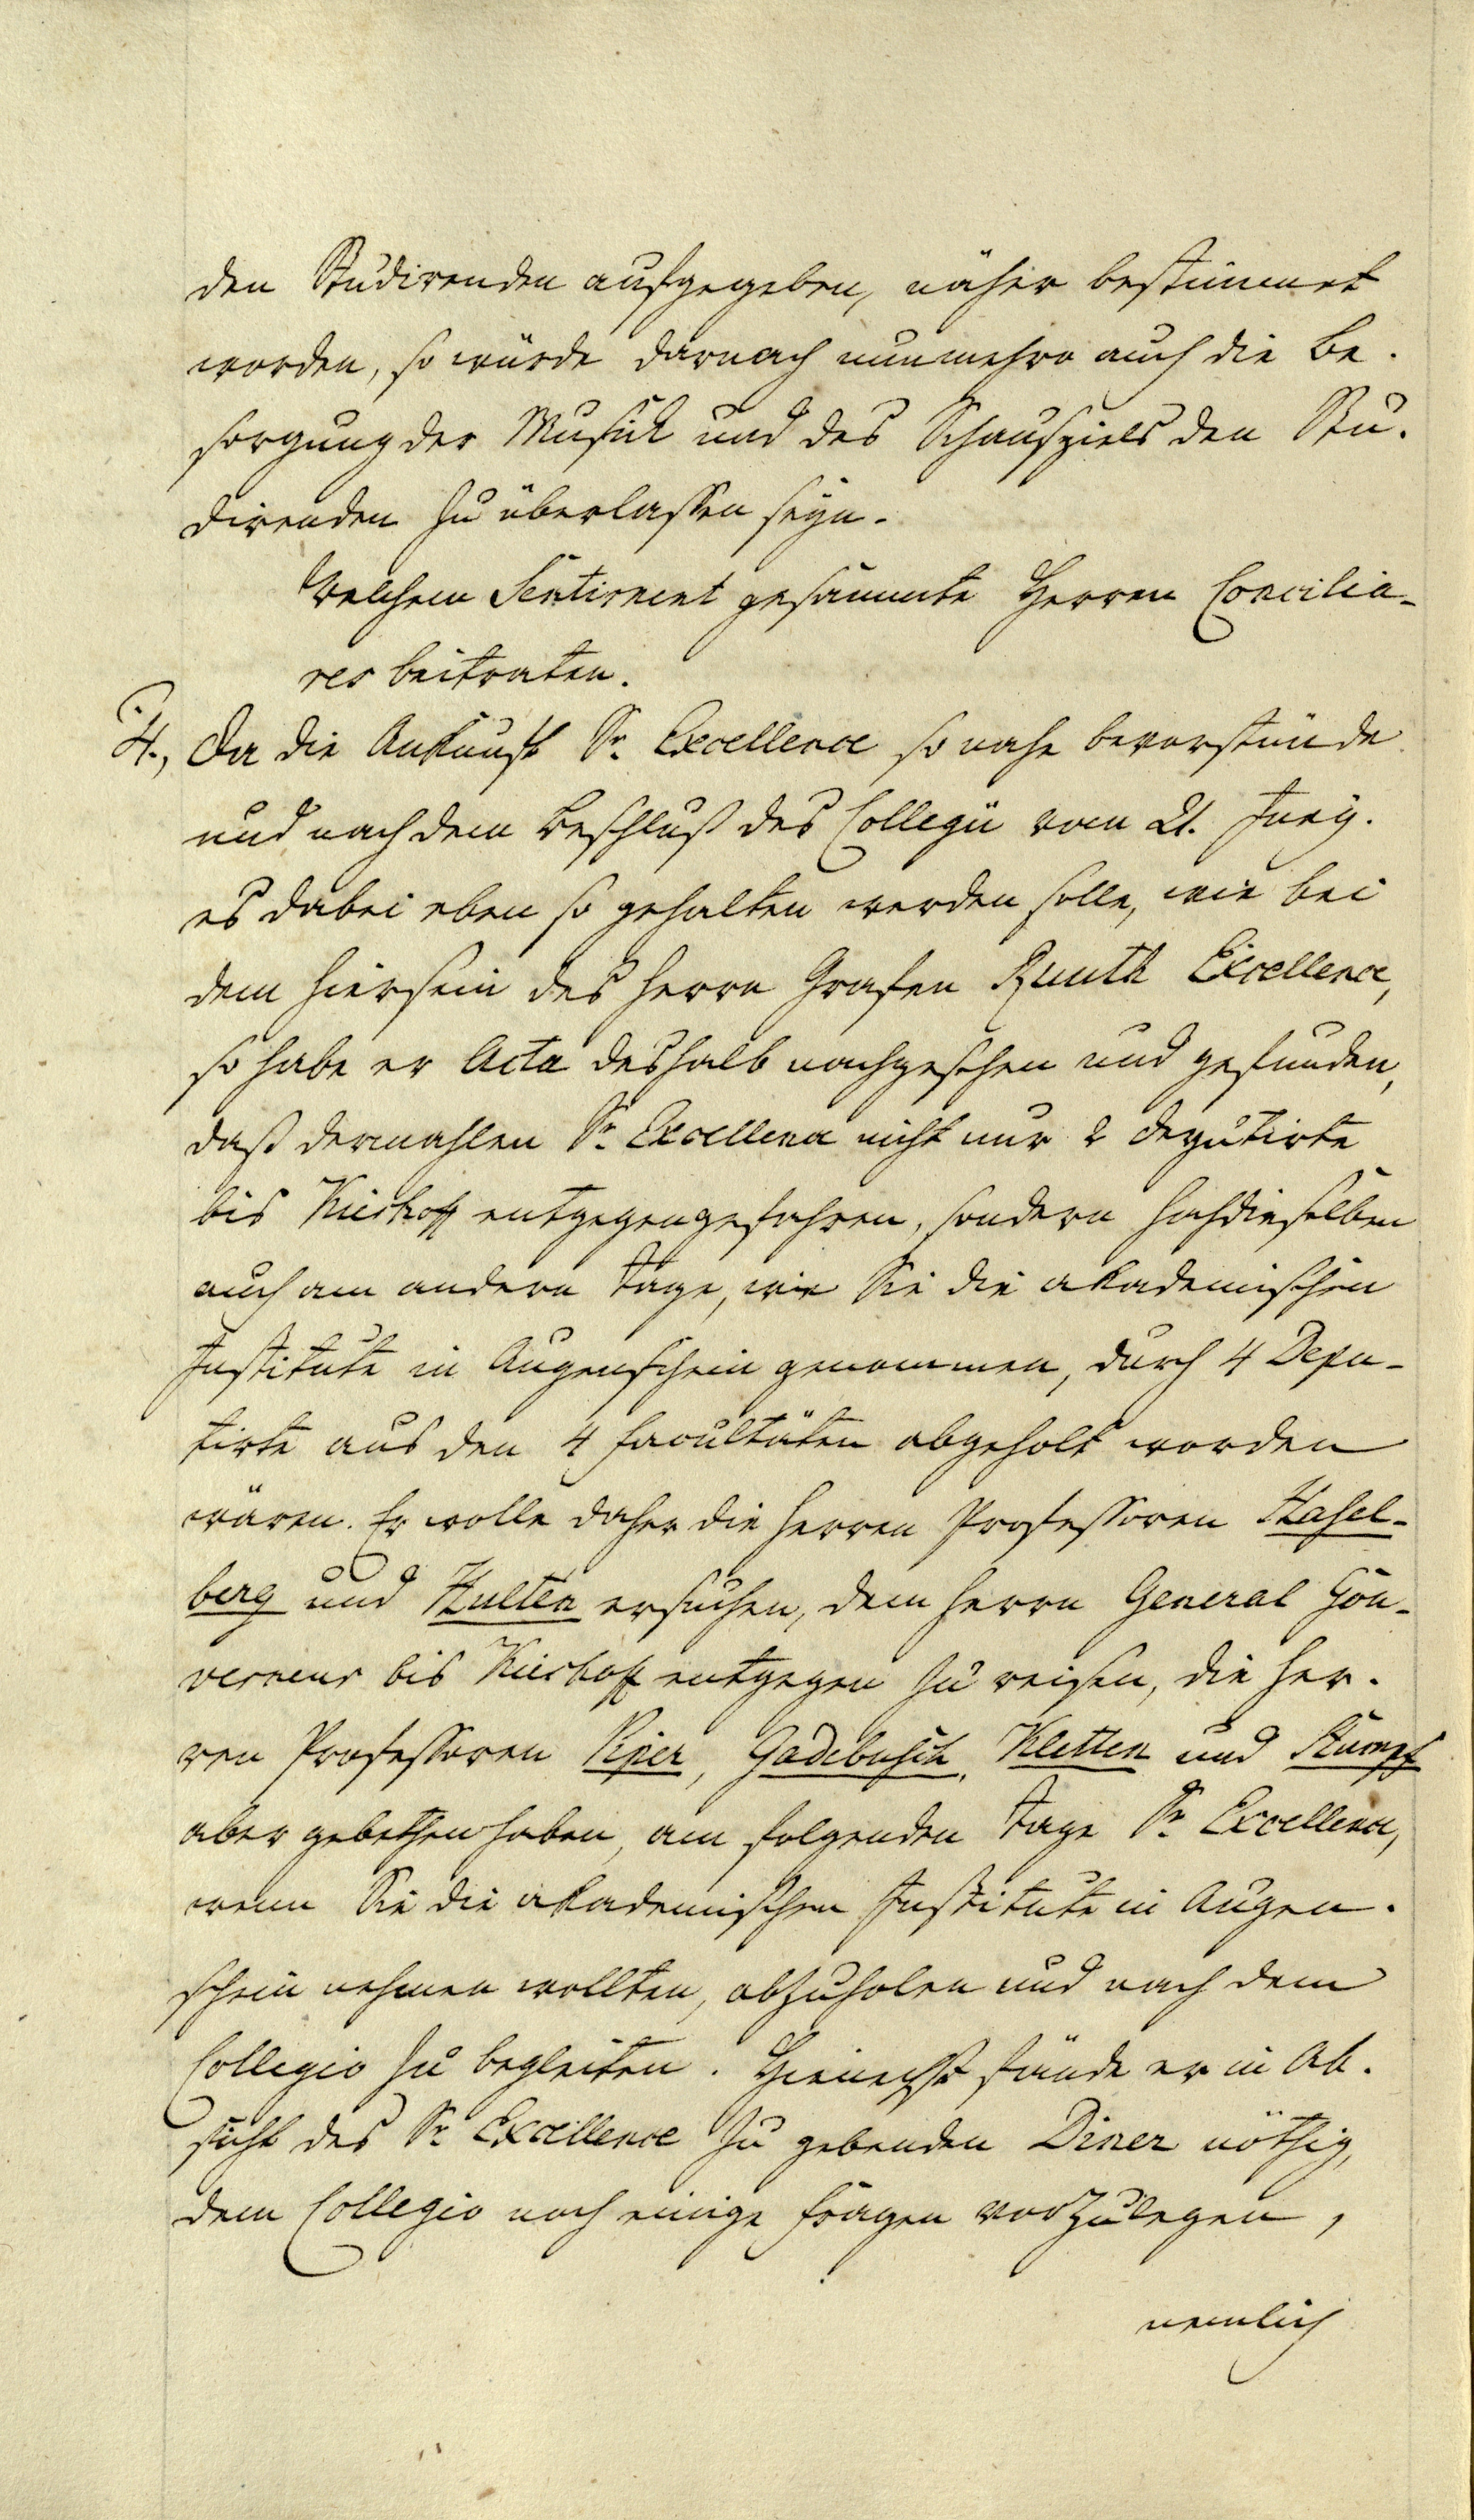den Studirenden aufgegeben, näher bestimmet
worden, so würde darnach nunmehro auch die Be¬
sorgung der Musick und des Schauspiels den Stu¬
direnden zu überlassen seÿn.
Welchem Sentiment gesammte Herren Concilia¬
res beitraten.
4. Da die Ankunft Sr. Excellence so nahe bevorstünde
und nach dem Beschluß des Collegii vom 2. Junÿ.
es dabei eben so gehalten werden solle, wie bei
dem Hiersein des Herrn Grafen Ruuth Excellence,
so habe er Acta deshalb nachgesehen und gefunden,
daß dermahlen Sr Excellence nicht nur 2 Deputirte
bis Kieshoff entgegengefahren, sondern hochdieselben
auch am andern Tage, wie Sie die akademischen
Institute in Augenschein genommen, durch 4 Depu¬
tirte aus den 4 Facultäten abgeholt worden
wären. Er wolle daher die Herren Professoren Hasel¬
berg und Hultén ersuchen, dem Herrn General Gou¬
verneur bis Kieshoff entgegen zu reisen, die Her¬
ren Professoren Piper, Gadebusch, Kletten und Stumpf
aber gebethenhaben, am folgenden Tage Sr Excellence,
wenn Sie die akademischen Institute in Augen¬
schein nehmen wollten, abzuholen und nach dem
Collegio zu begleiten . Hienechst fände er in Ab¬
sicht des Sr Excellence zu gebenden Diner nöthig,
dem Collegio noch einige Fragen vorzulegen,
nemlich